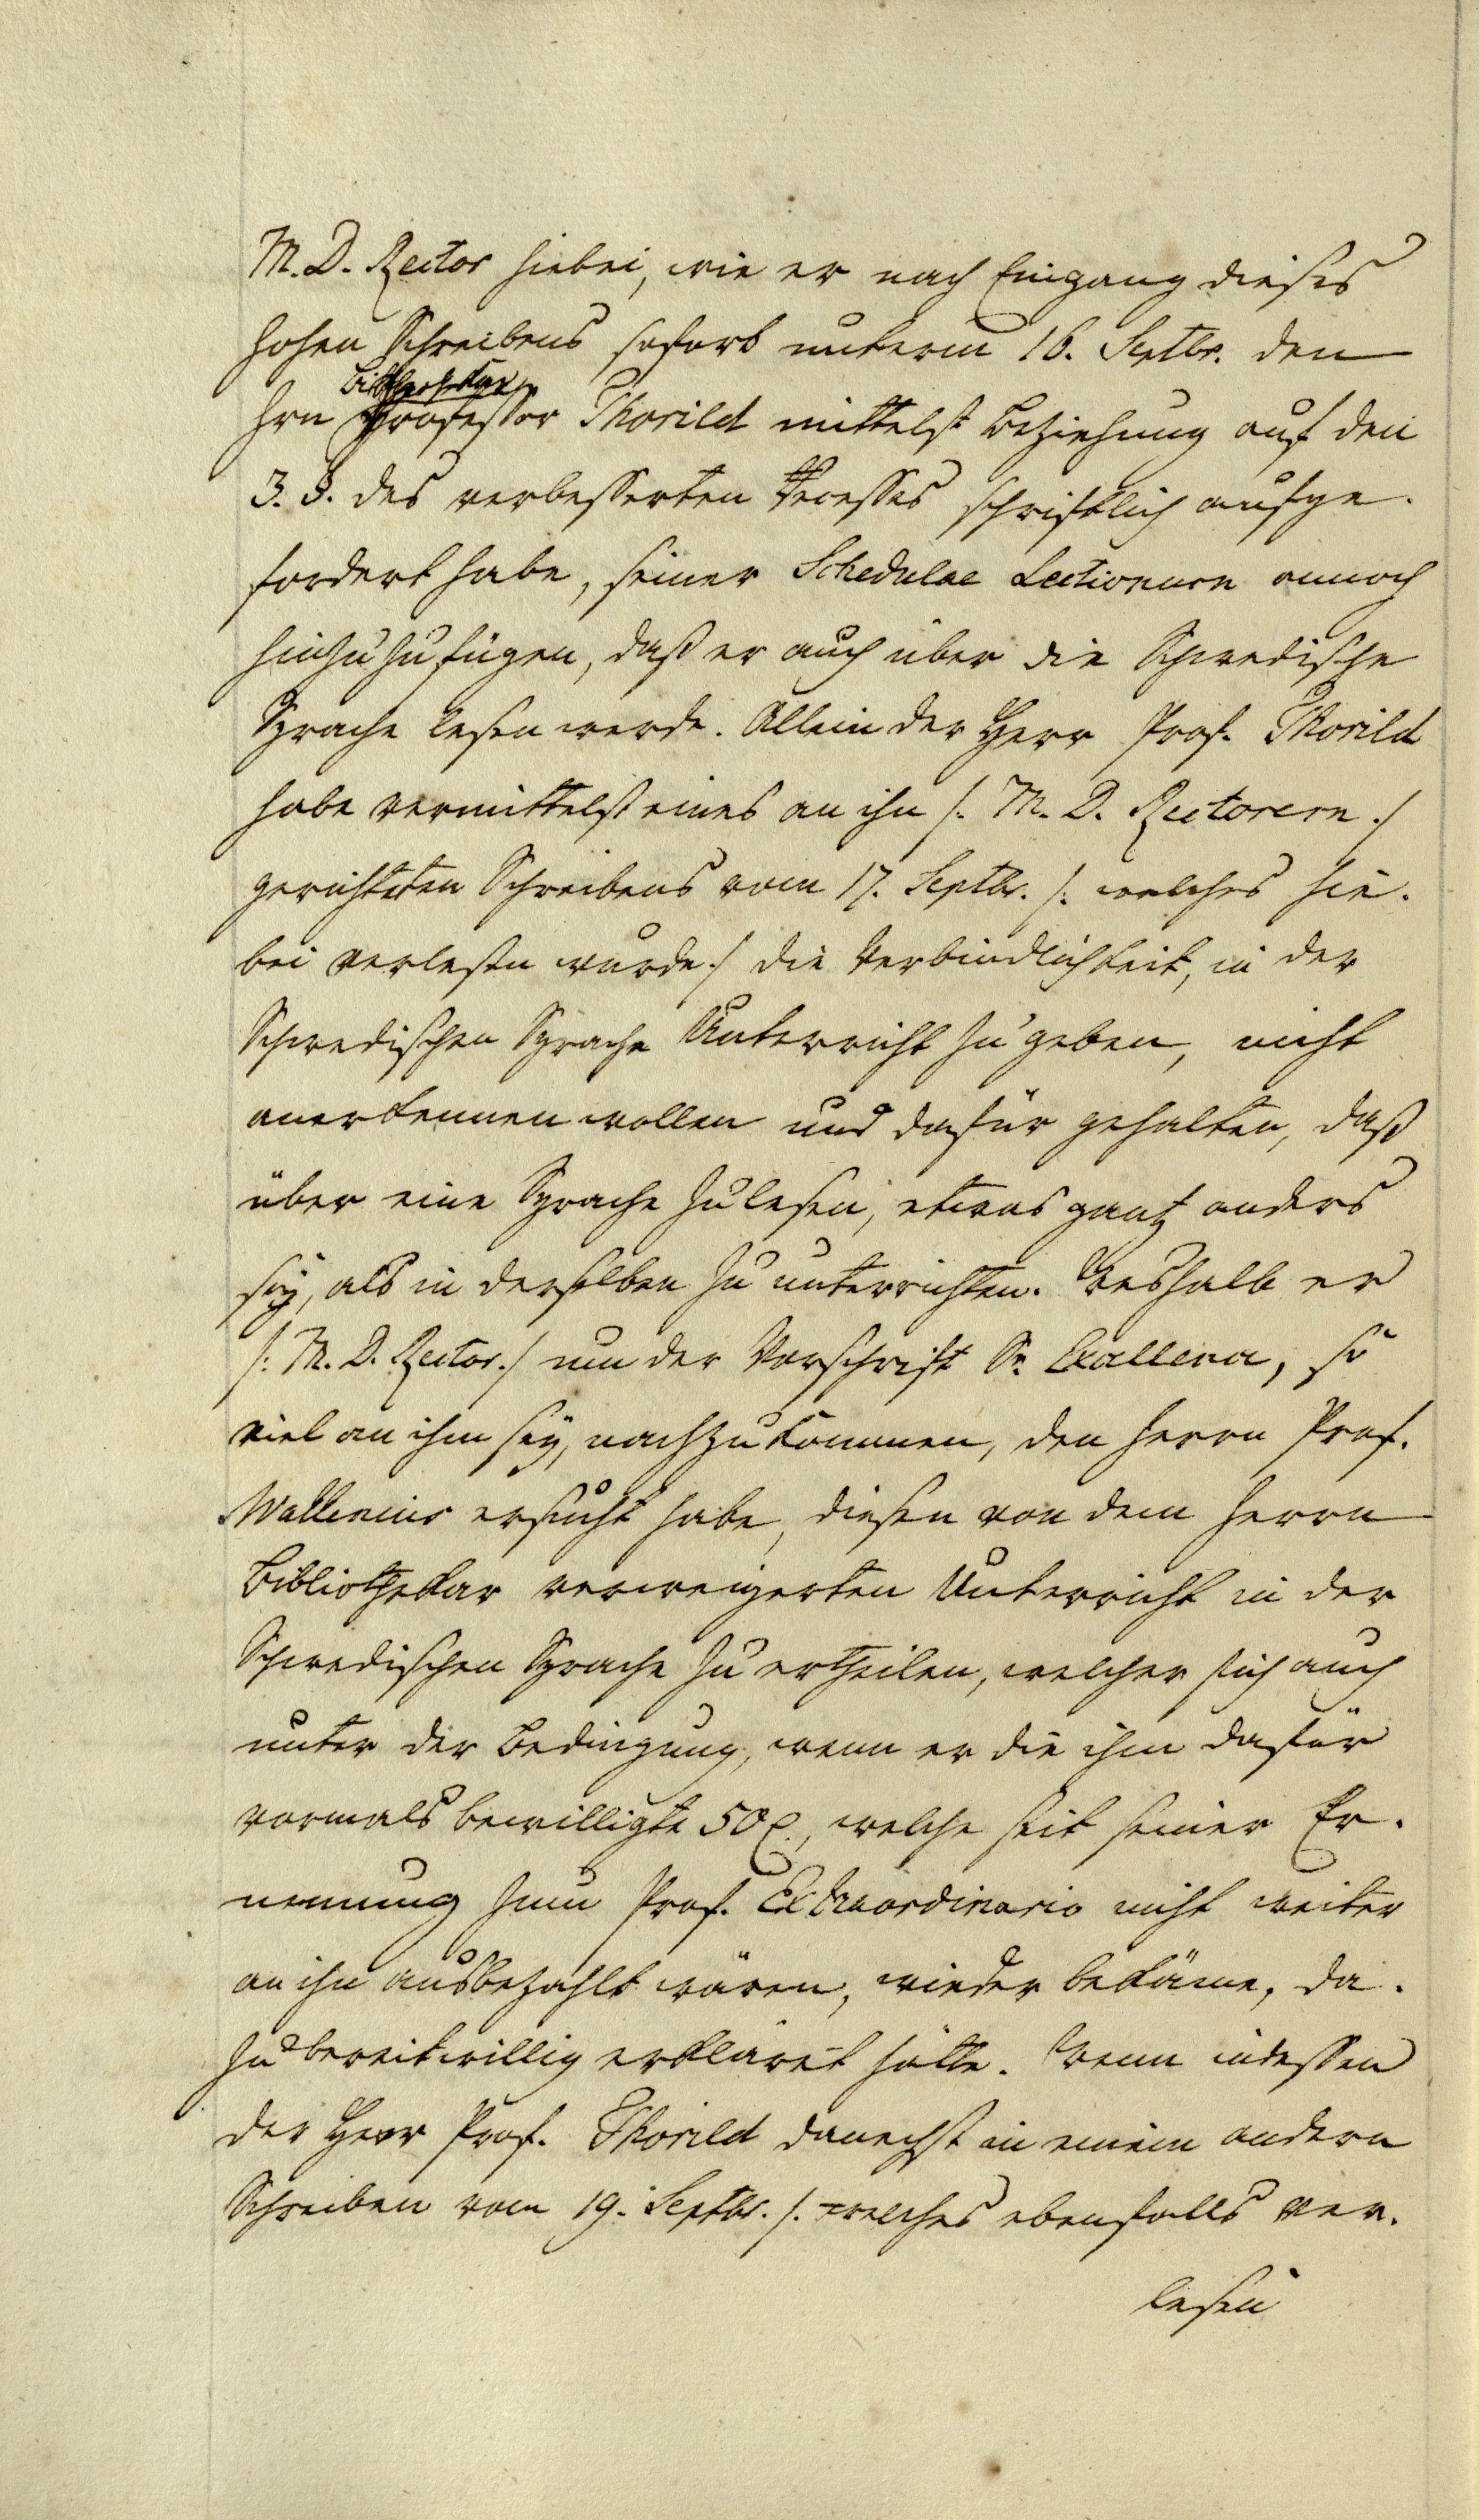M. D. Rector hiebei, wie er nach Eingang dieses
hohen Schreibens sofort unterm 16. Septbr. den
hrn Bibliothekar Professor Thorild mittelst Beziehung auf den
3. §. des verbesserten Recesses schriftlich aufge¬
fordert habe, seiner Schedulae Lectionum annoch
hinzuzufügen, daß er auch über die Schwedische
Sprache lesen werde. Allein der Herr Prof. Thorild
habe vermittelst eines an ihn /. M. D. Rectorem ./
gerichteten Schreibens vom 17. Septbr. /. welches hie¬
bei verlesen wurde ./ die Verbindlichkeit, in der
Schwedischen Sprache Unterricht zu geben, nicht
anerkennen wollen und dafür gehalten, daß
über eine Sprache zu lesen, etwas gantz anders
seÿ, als in derselben zu unterrichten. Weshalb er
/. M. D. Rector ./ um der Vorschrift Sr Excellence, so
viel an ihm seÿ, nachzukommen, den Herrn Prof.
Wallenius ersucht habe, diesen von dem Herrn
Bibliothekar verweigerten Unterricht in der
Schwedischen Sprache zu ertheilen, welcher sich auch
unter der Bedingung, wenn er die ihm dafür
vormals bewilligte 50 l., welche seit seiner Er¬
nennung zum Prof. Extraordinario nicht weiter
an ihn ausbezahlt wären, wieder bekäme, da¬
zu bereitwillig erkläret hätte. Wenn indessen
der Herr Prof. Thorild danechst in einem andern
Schreiben vom 19. Septbr. /. welches ebenfalls ver¬
lesen